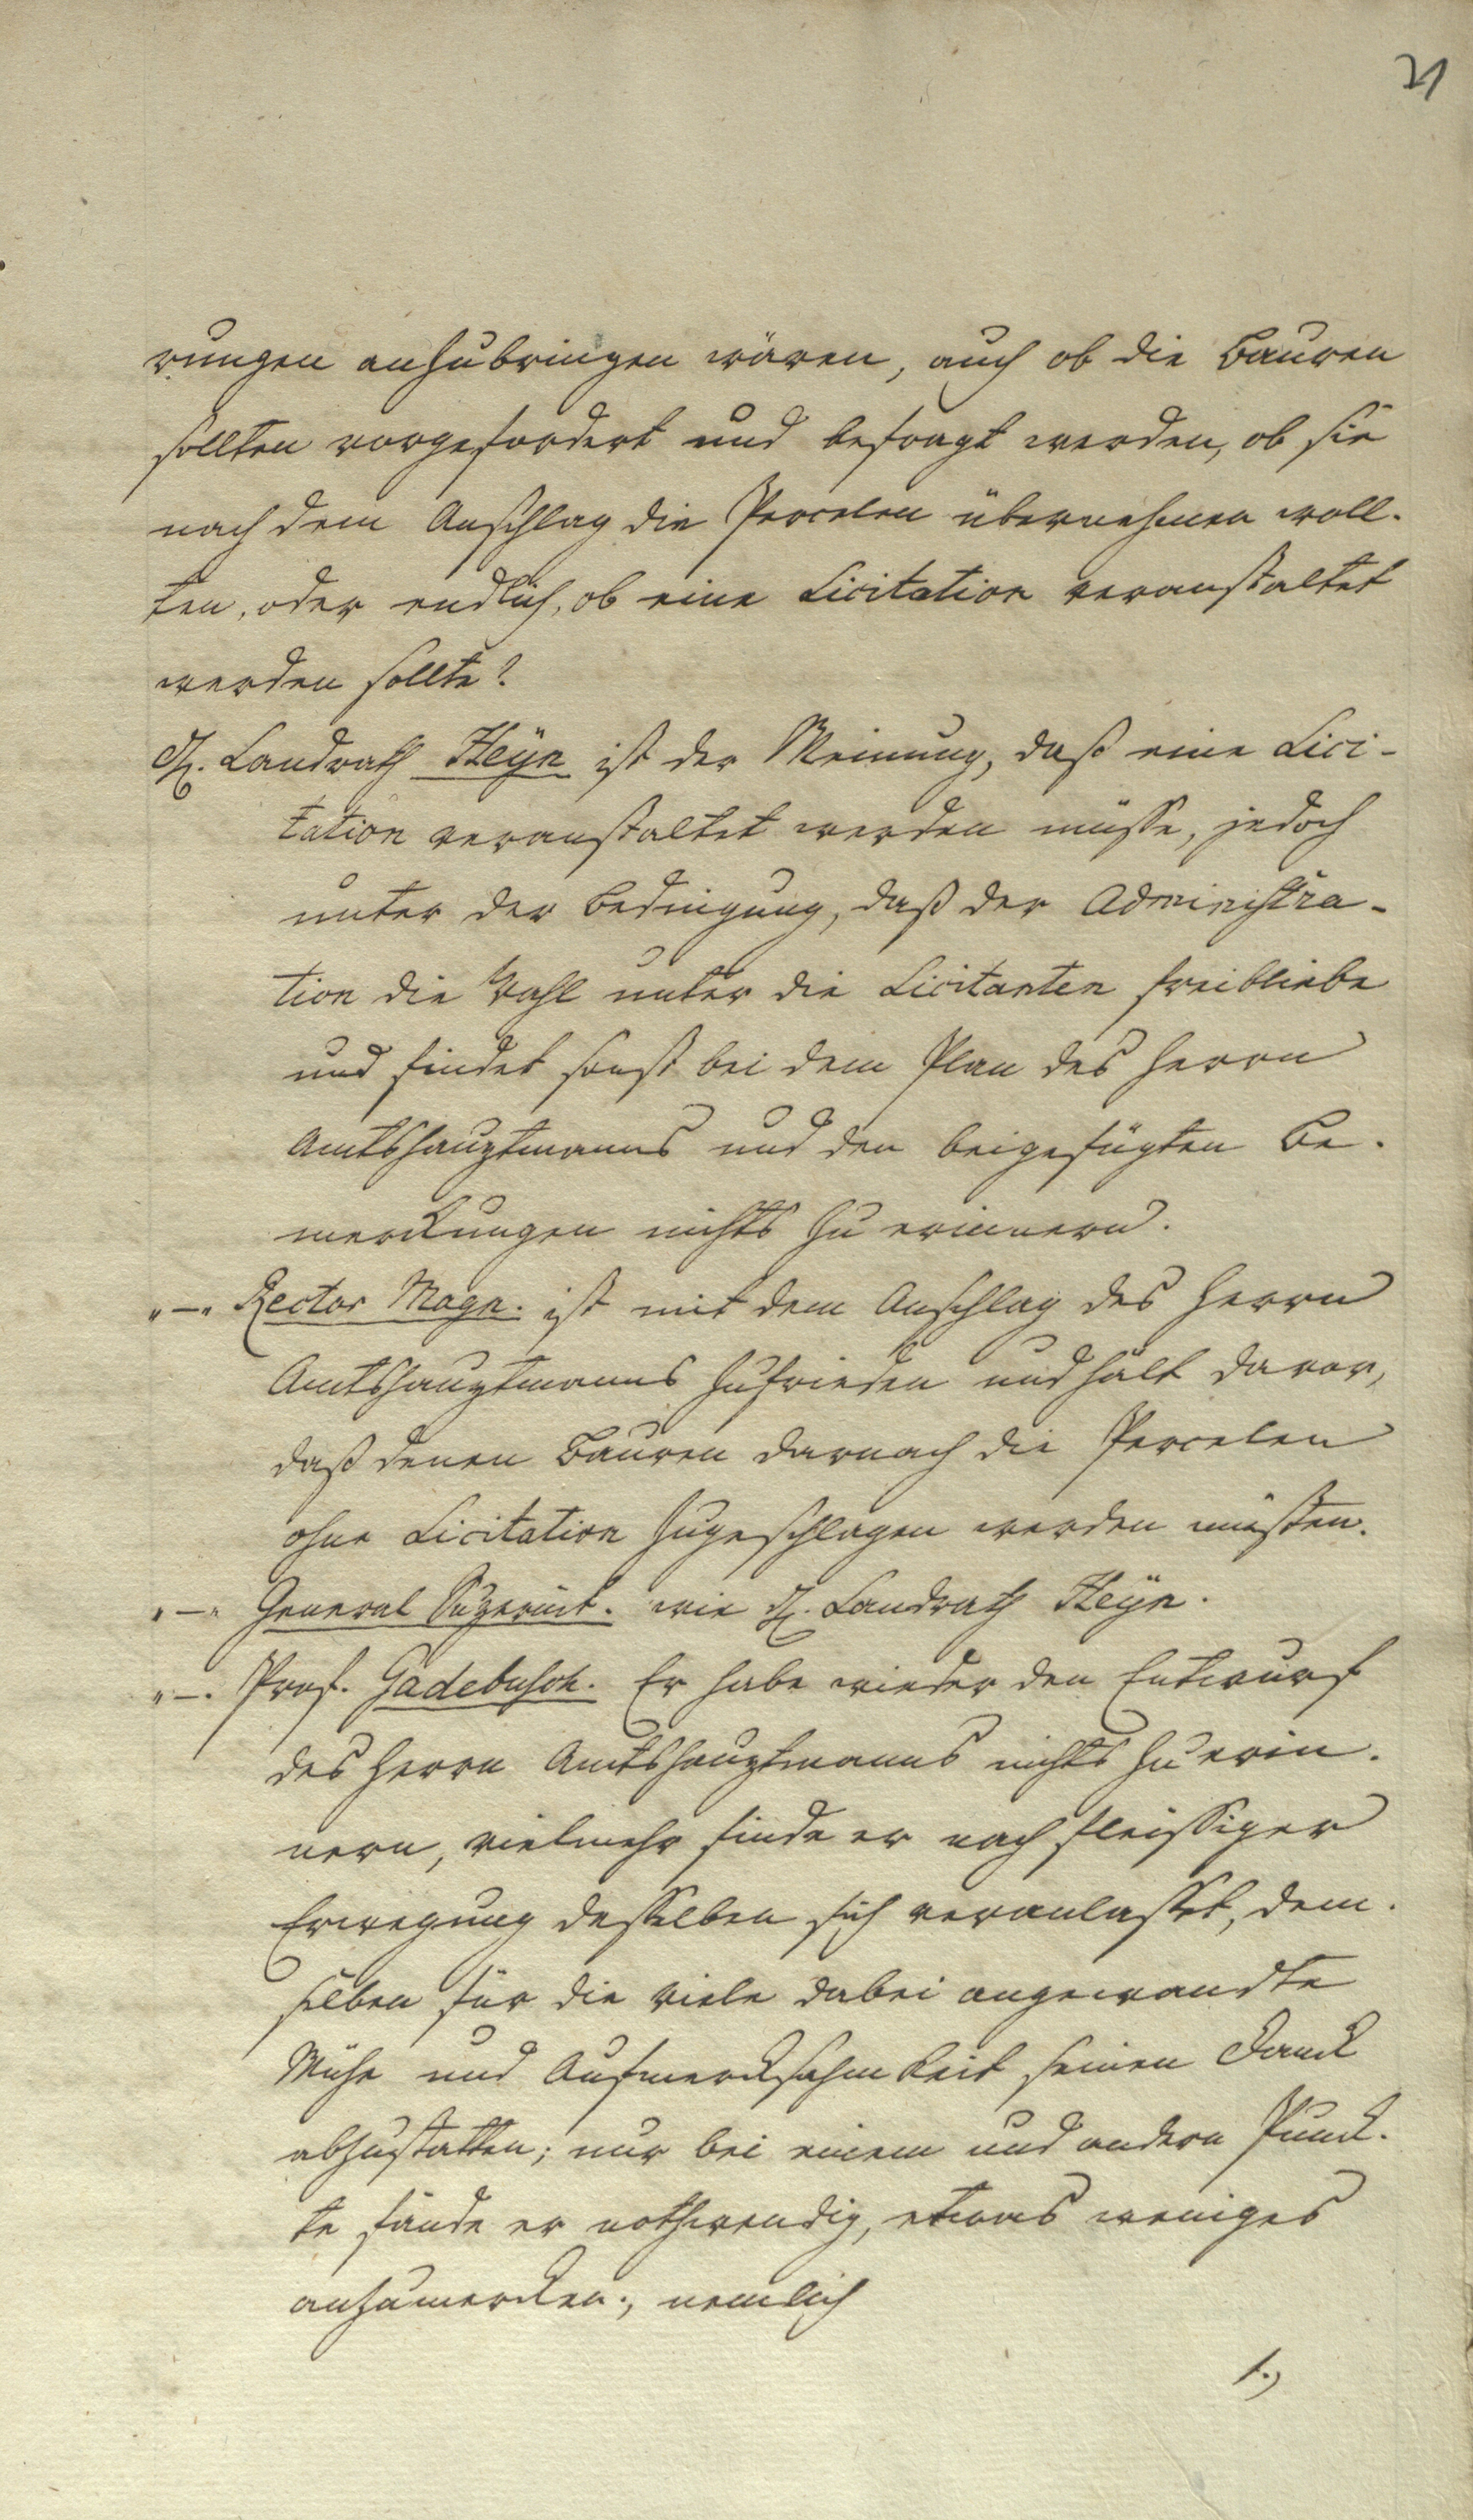rungen anzubringen wären, auch ob die Bauren
sollten vorgefordert und befragt werden, ob sie
nach dem Anschlag die Percelen übernehmen woll¬
ten oder endlich, ob eine Licitation veranstaltet
werden sollte?
dh. Landrath Heyn ist der Meinung, daß eine Lici¬
tation veranstaltet werden müsse, jedoch
unter der Bedingung, daß der Adminstra¬
tion die Wahl unter die Licitanten freibliebe
und findet sonst bei dem Plan des Herrn
Amtshauptmanns und den beigefügten Be¬
merkungen nichts zu erinnern.
" - " Rector Magn. ist mit dem Anschlag des Herrn
Amtshauptmanns zufrieden und hält davor,
daß denen Bauren darnach die Percelen
ohne Licitation zugeschlagen werden müßten.
"- " General Superint. wie dh. Landrath Heyn.
" - " Prof. Gadebusch. Er haben wieder den Entwurf
des Herrn Amtshauptmanns nichts zu erin¬
nern, vielmehr finde er nach fleissiger
Erwegung desselben sich veranlasset, dem
selben für die vielen dabei angewandte
Mühe und Aufmerksahmkeit seinen Dank
abzustatten; nur bei einem und andern Punk¬
te fände er nothwendig, etwas weniges
anzumerken; nemlich
1.,